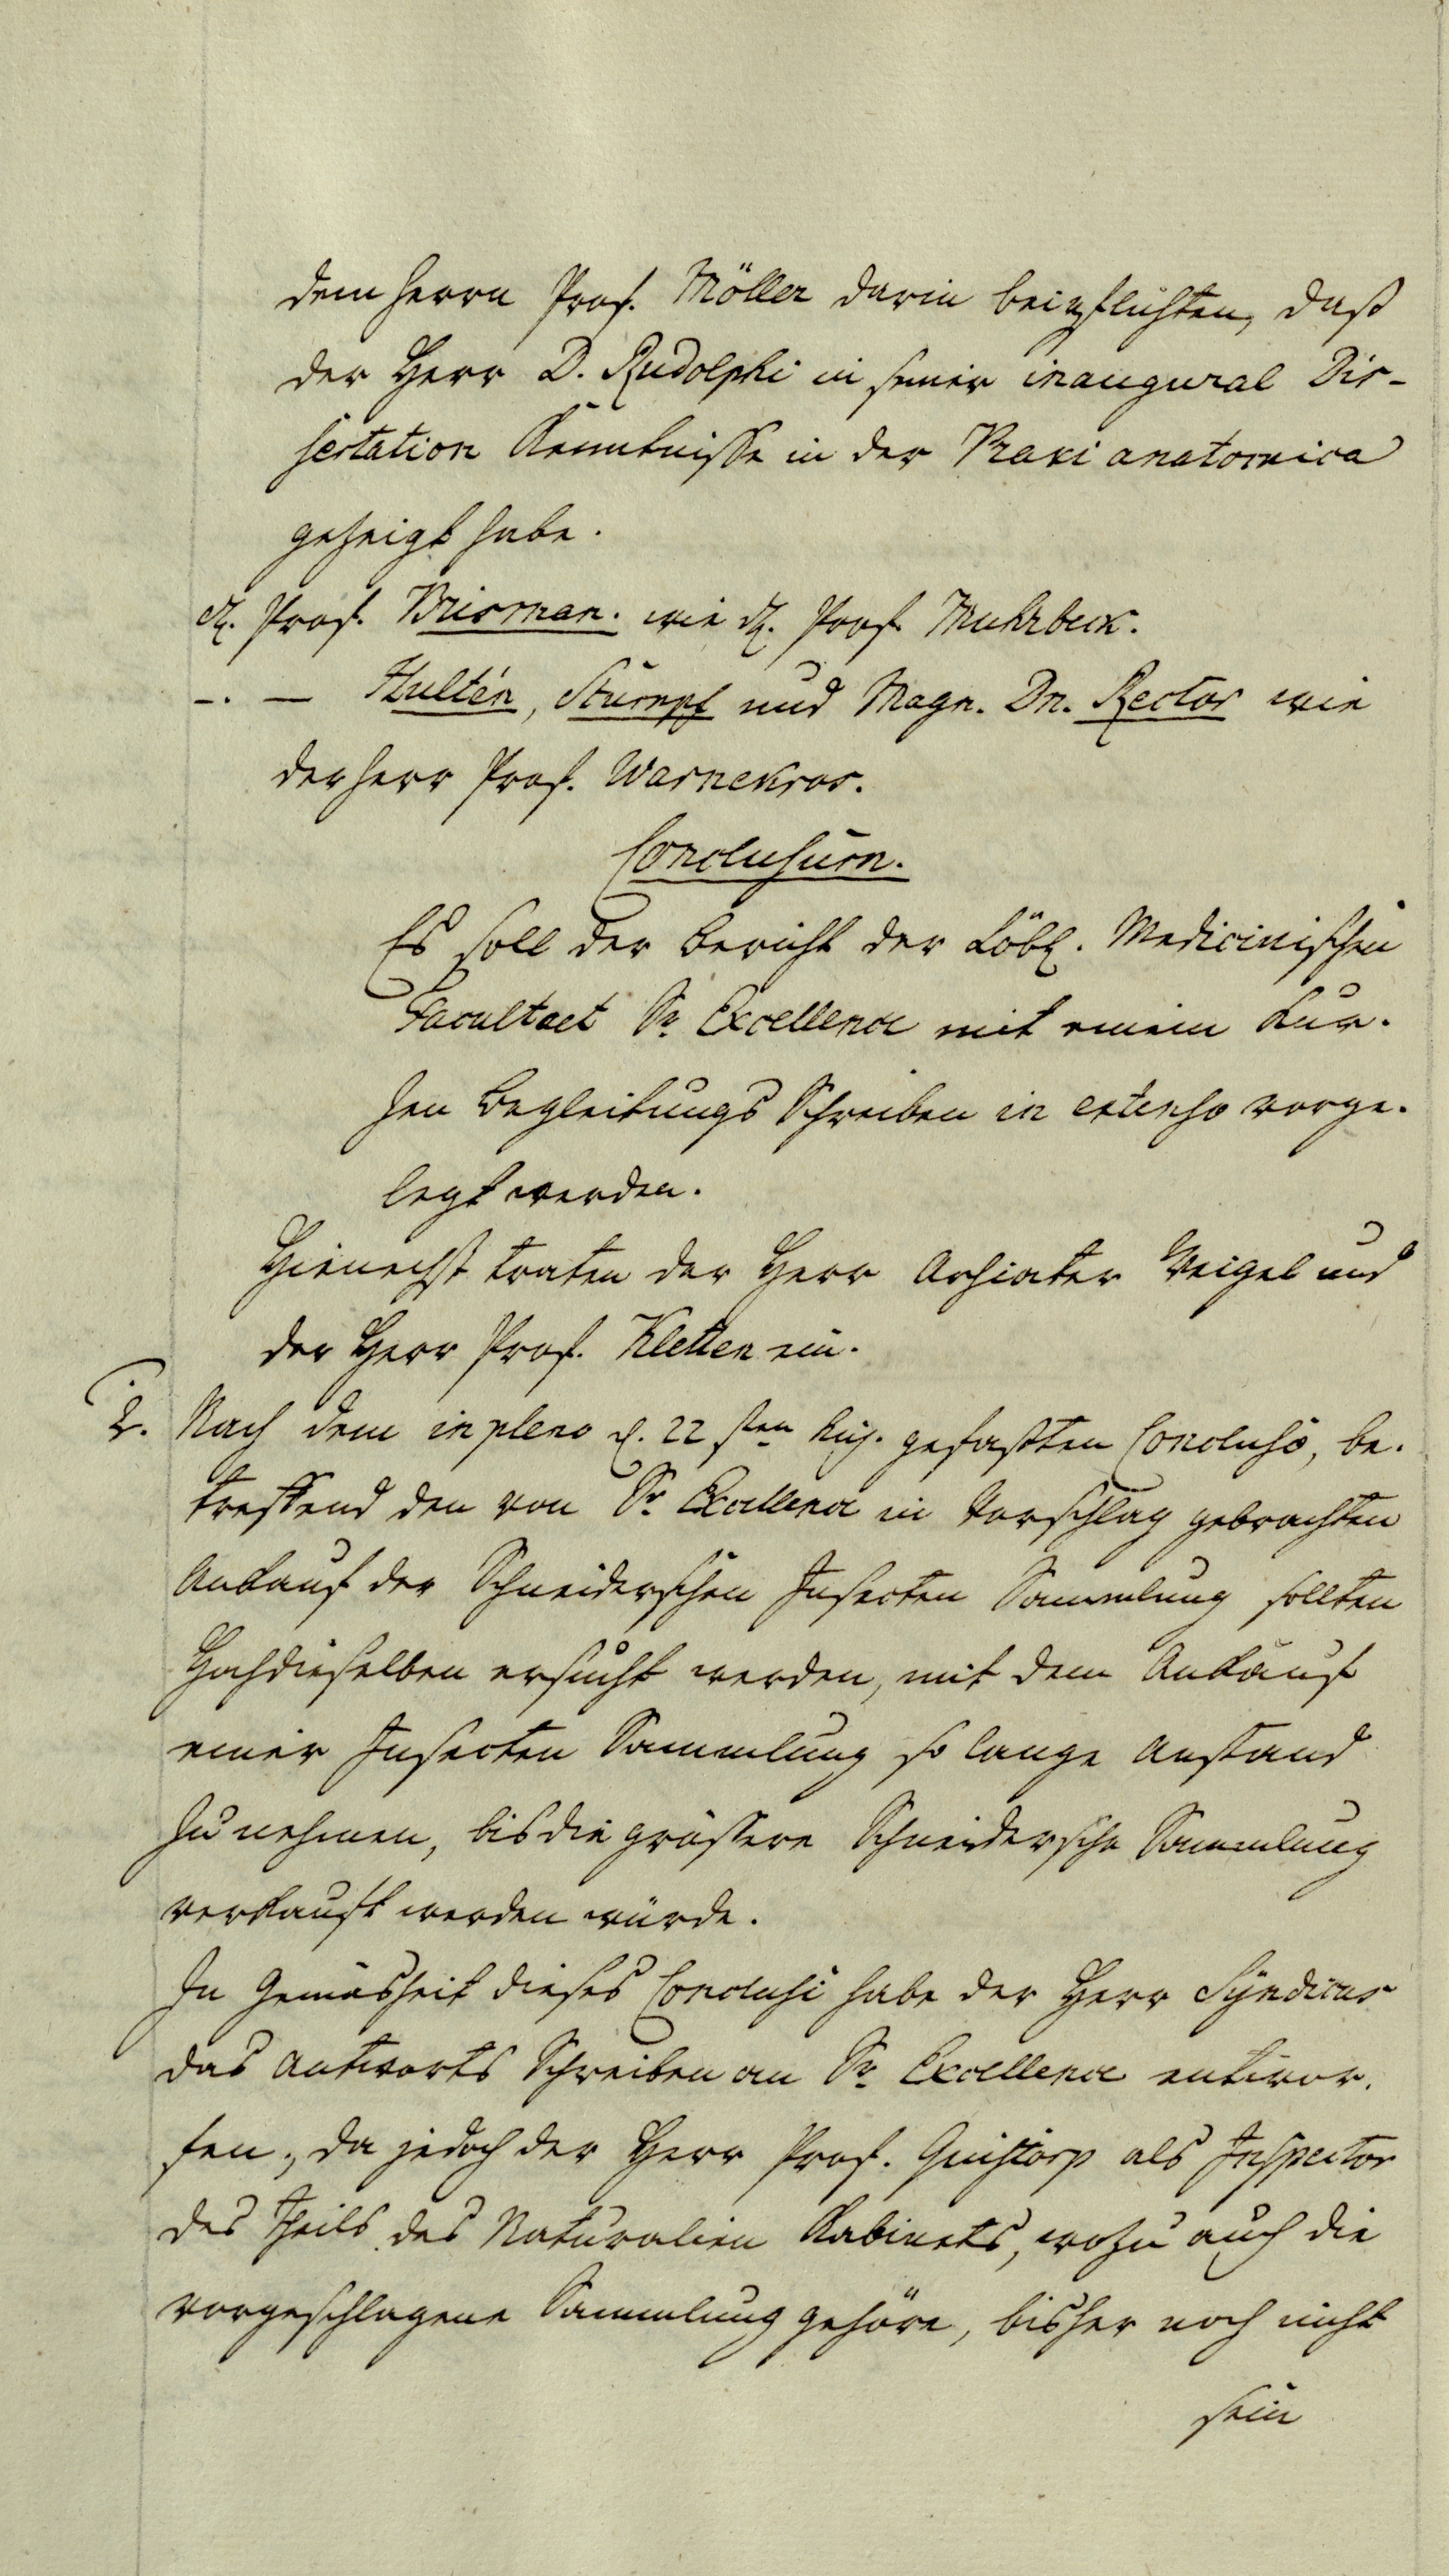dem Herrn Prof. Möller darin beipflichten, daß
der Herr D. Rudolphi in seiner inaugural Dis¬
sertation Kenntnisse in der Praxi anatomica
gezeigt habe.
dh. Prof. Brisman. wie dh. Prof. Muhrbeck.
Hultén, Stumpf und Magn. Dn. Rector wie
der Herr Prof. Warnekros.
Conclusum.
Es soll der Bericht der Löbl. Medicinischen
Facultaet Sr Excellence mit einem kur¬
zen Begleitungs Schreiben in extenso vorge¬
legt werden.
Hienechst traten der Herr Archiater Weigel und
der Herr Prof. Kletten ein.
2. Nach dem in pleno d. 22 sten huj. gefaßten Concluso, be¬
treffend den von Sr Excellence in Vorschlag gebrachten
Ankauf der Schneiderschen Insecten Sammlung sollten
Hochdieselben ersucht werden, mit dem Ankauf
einer Insecten Sammlung so lange Anstand
zu nehmen, bis die grössere Schneidersche Sammlung
verkauft werden würde.
In Gemäsheit dieses Conclusi habe der Herr Sÿndicus
das Antworts Schreiben an Sr Excellence entwor¬
fen, da jedoch der Herr Prof. Quistorp als Inspector
des Theils das Naturalien Kabinets, wozu auch die
vorgeschlagene Sammlung gehöre, bisher noch nicht
sein